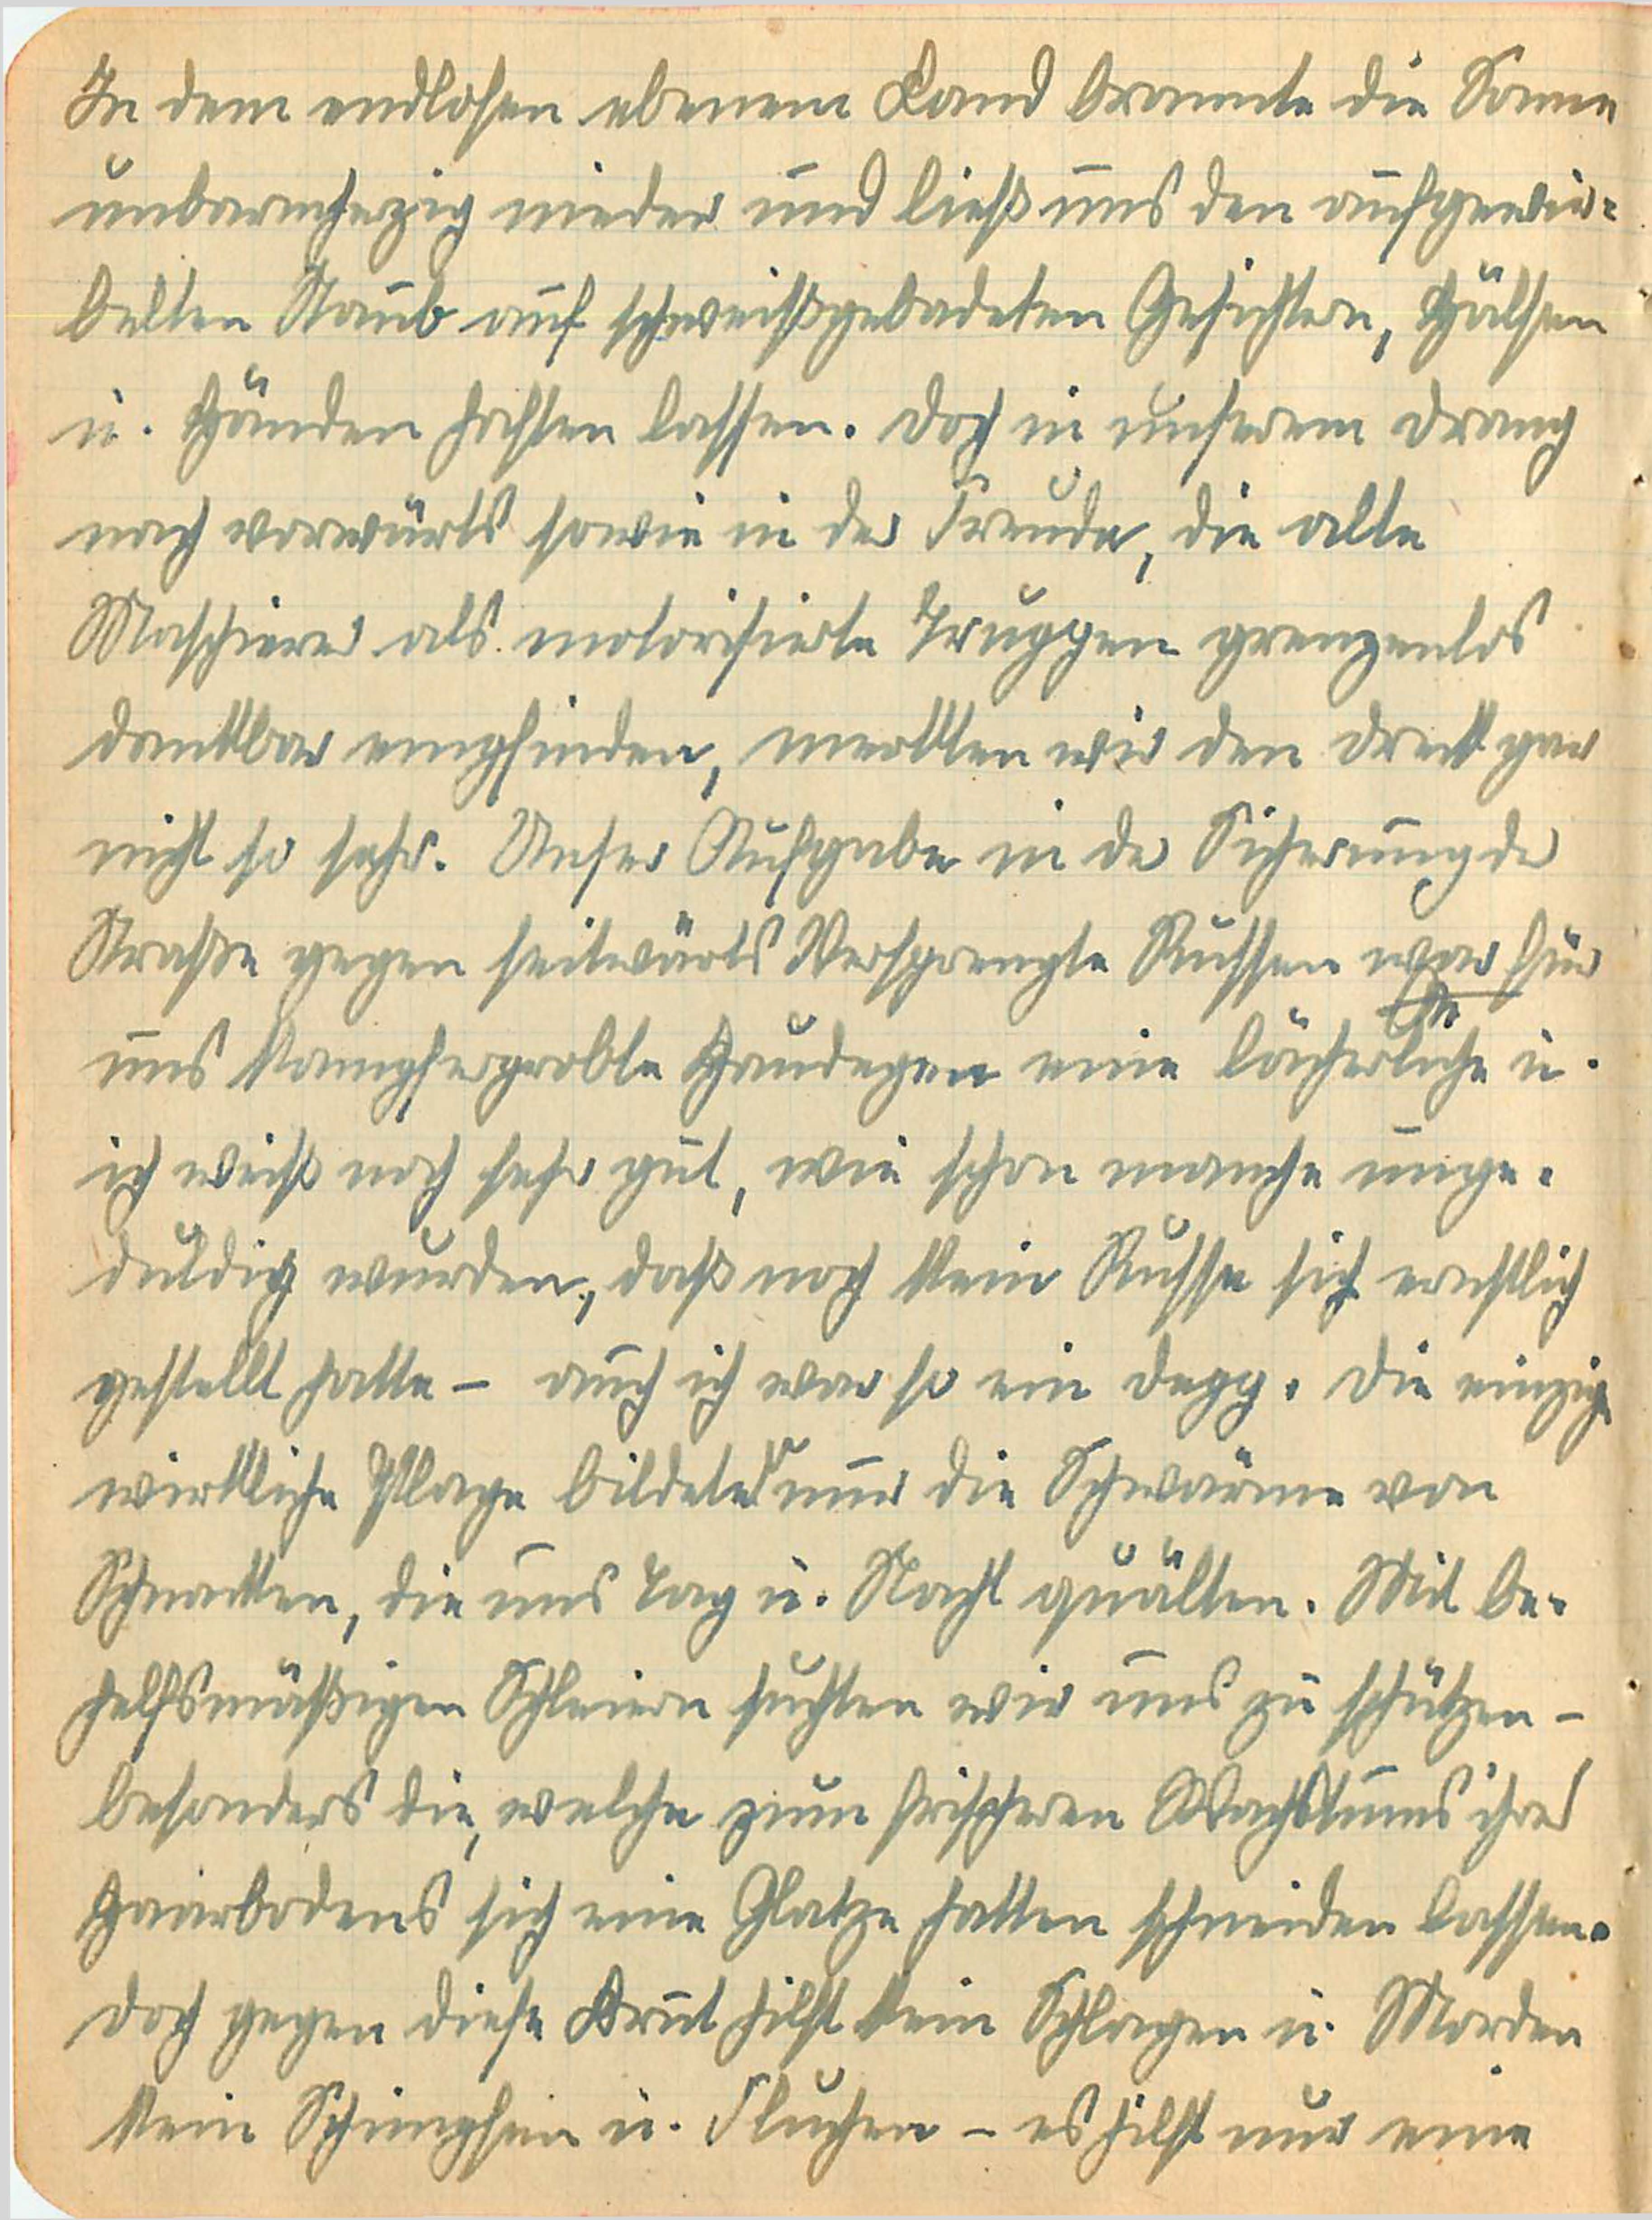In dem endlosen ebenen Land brannte die Sonne
unbarmherzig nieder und ließ uns den aufgewir-
belten Staub auf schweißgebadeten Gesichtern, Hälsen
u. Händen haften lassen. Doch in unserem Drang
nach vorwärts sowie in der Freude, die alle
Maschierer als motorisierte Truppen grenzenlos
dankbar empfinden, merkten wir den Durst gar
nicht so sehr. Unser Aufgabe in der Sicherung der
Straße gegen seitwärts Versprengte Russen war für
uns kampferprobten Haudegen eine lächerliche u.
ich weiß noch sehr gut, wie schon manche unge-
duldig wurden, daß noch kein Russe sich ernstlich
gestellt hatte – auch ich war so ein Depp. Die einzige
wirkliche Plage bildeten nur die Schwärme von
Schnacken, die uns Tag u. Nacht quälten. Mit be-
helfsmäßigen Schleiern suchten wir uns zu schützen –
besonders die, welche zum frischeren Wachstums ihres
Haarbodens sich eine Glatze hatten schneiden lassen.
Doch gegen diese Brut hilft keine Schlagen u. Morden
kein Schimpfen u. Fluchen – es hilft nur eine